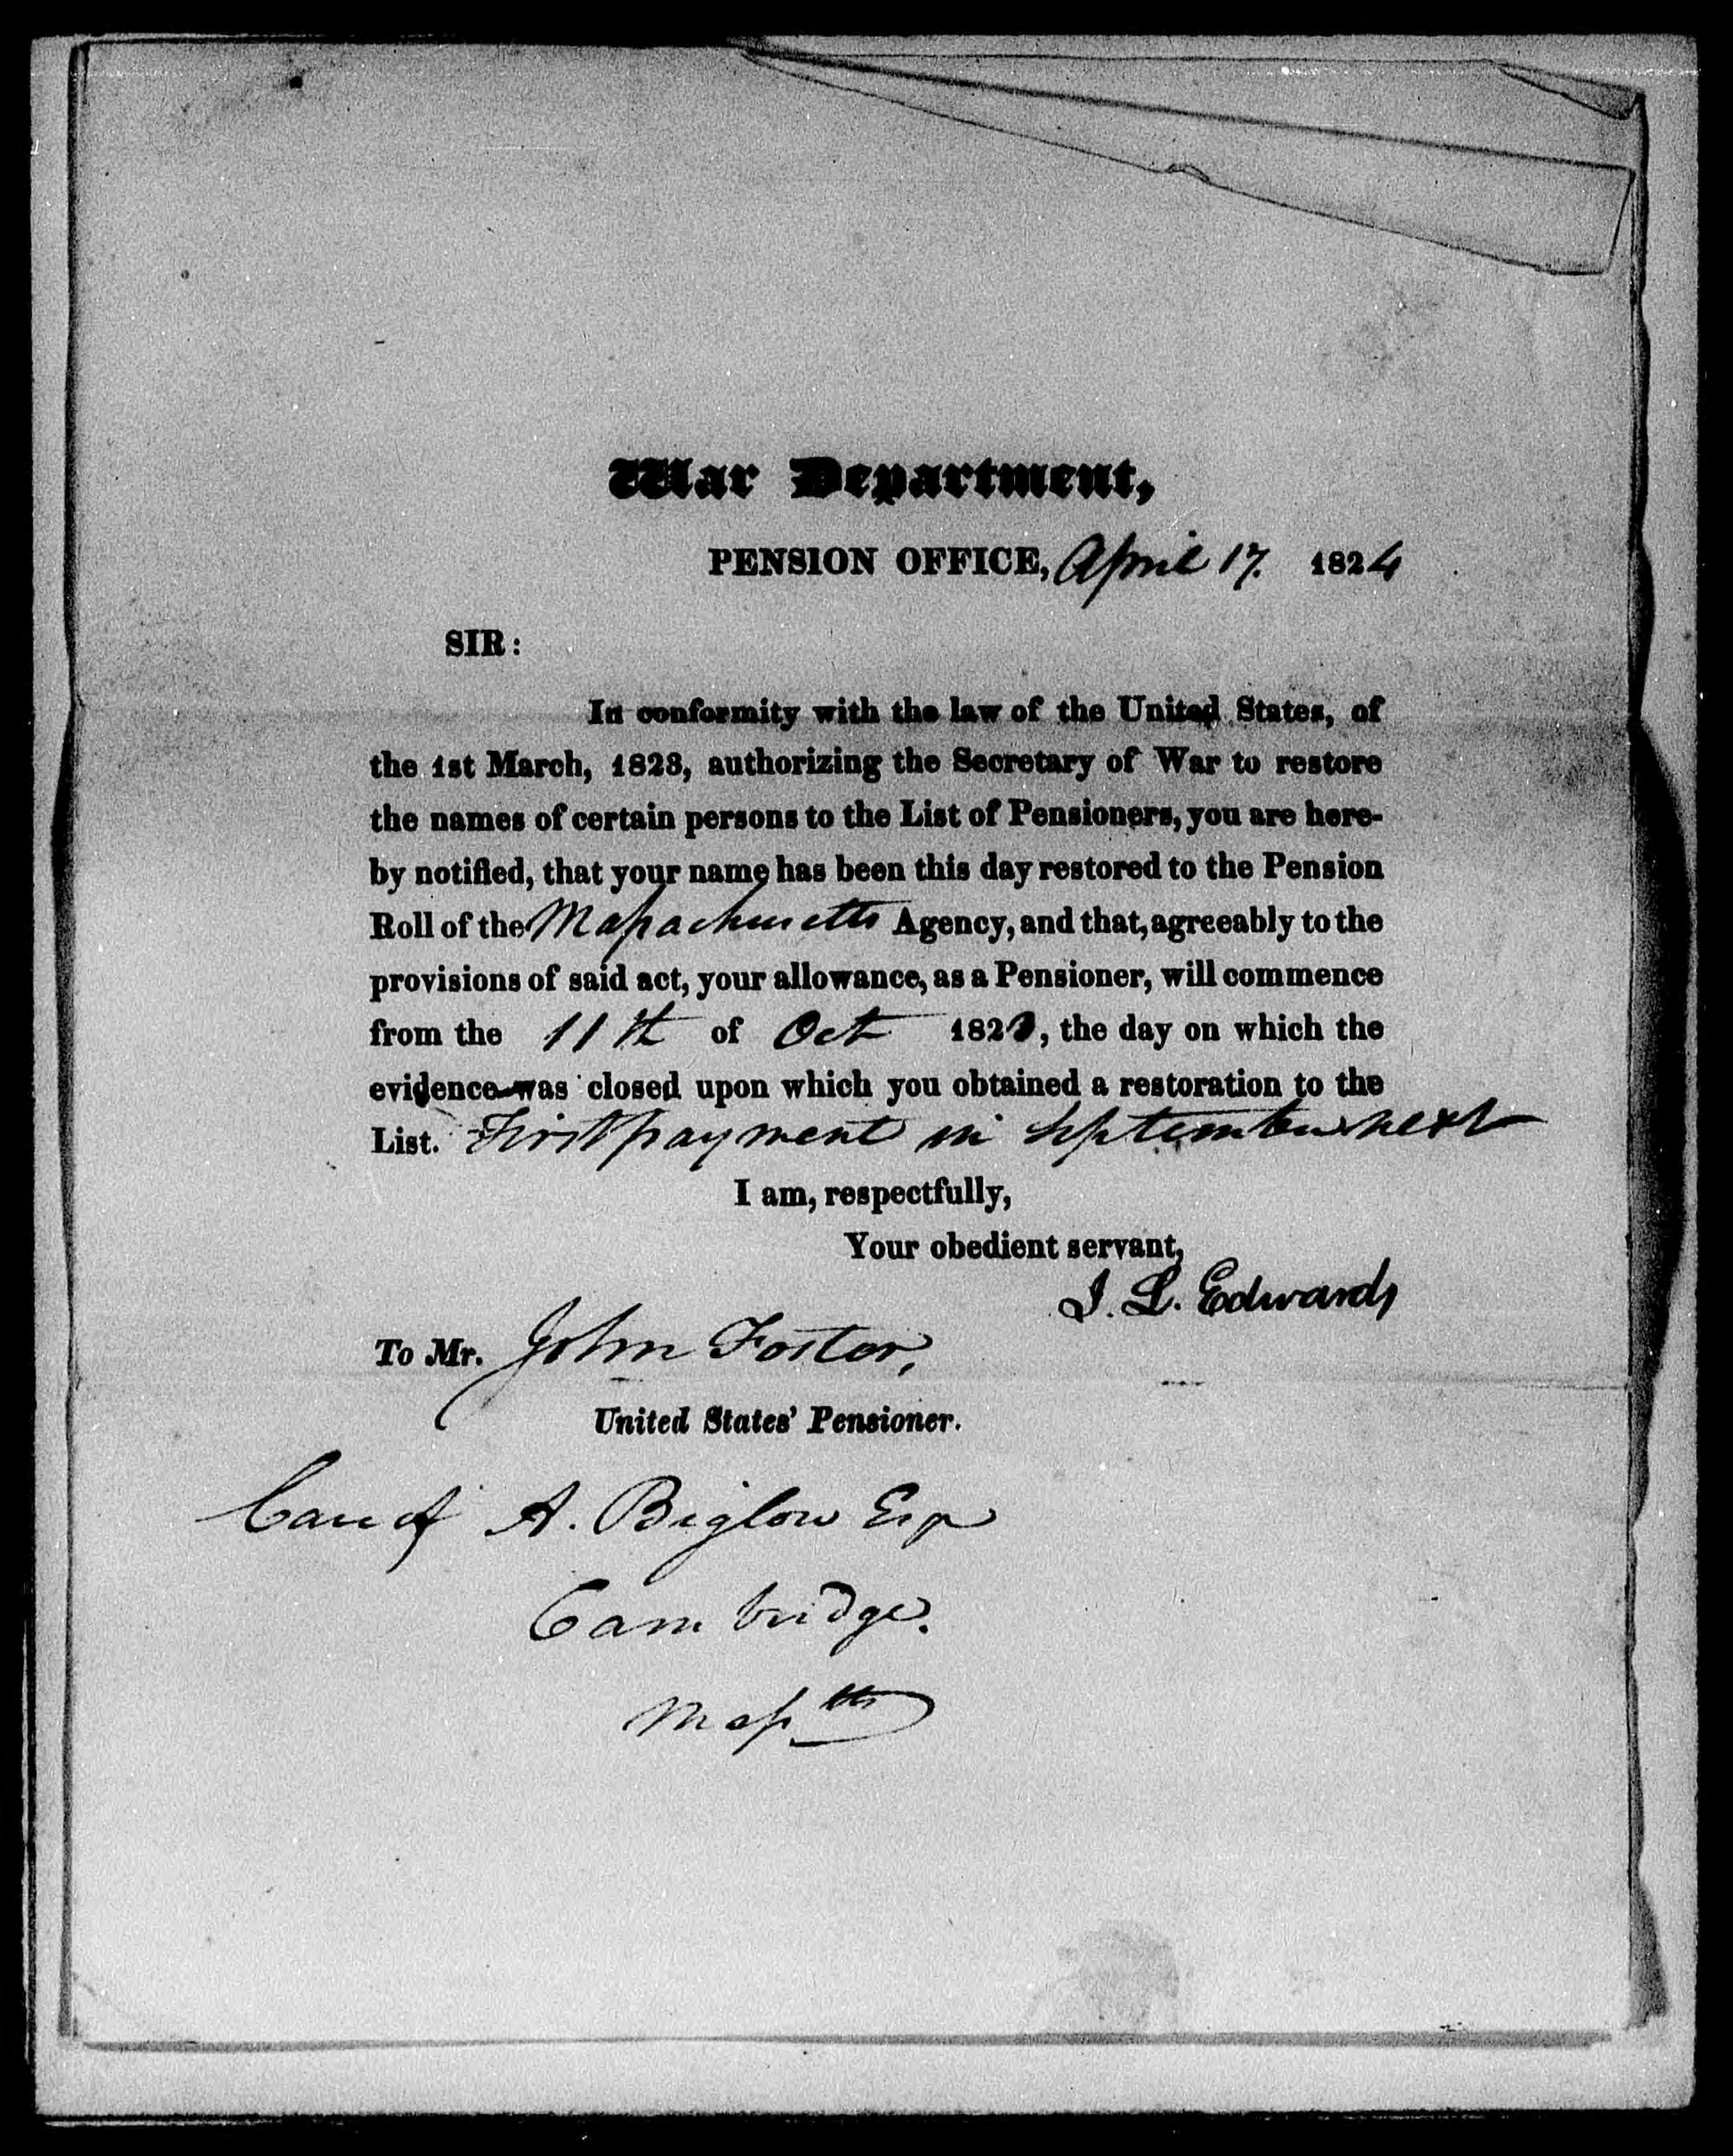War Department
Pension Office, April 17, 1824
Sir:
In conformity with the law of the United States of the 1 Mar 1828 authorizing the Secretary of war to restore the names of certain persons to the list of Pensioners you are hereby notified that your name has been this day restored to the Pension Roll of the Massachusetts Agency, and that agreeably to the provisions of said act, your allowance, as a pensioner, will commence from the 11 Oct 1823, the day on which the evidence was closed upon which you obtained a restoration to the List. First Payment in September next
I am, respectfully
your obedient servant, 
J. L. Edwards
To Mr. John Foster, United States' Pensioner
Case of A. Biglow Esq 
Cambridge, Massachusetts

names: A Biglow, J L Edwards, John Foster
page: 42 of 47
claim: widow's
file: W. 7,302, John Foster, Continental Mass. R.I.